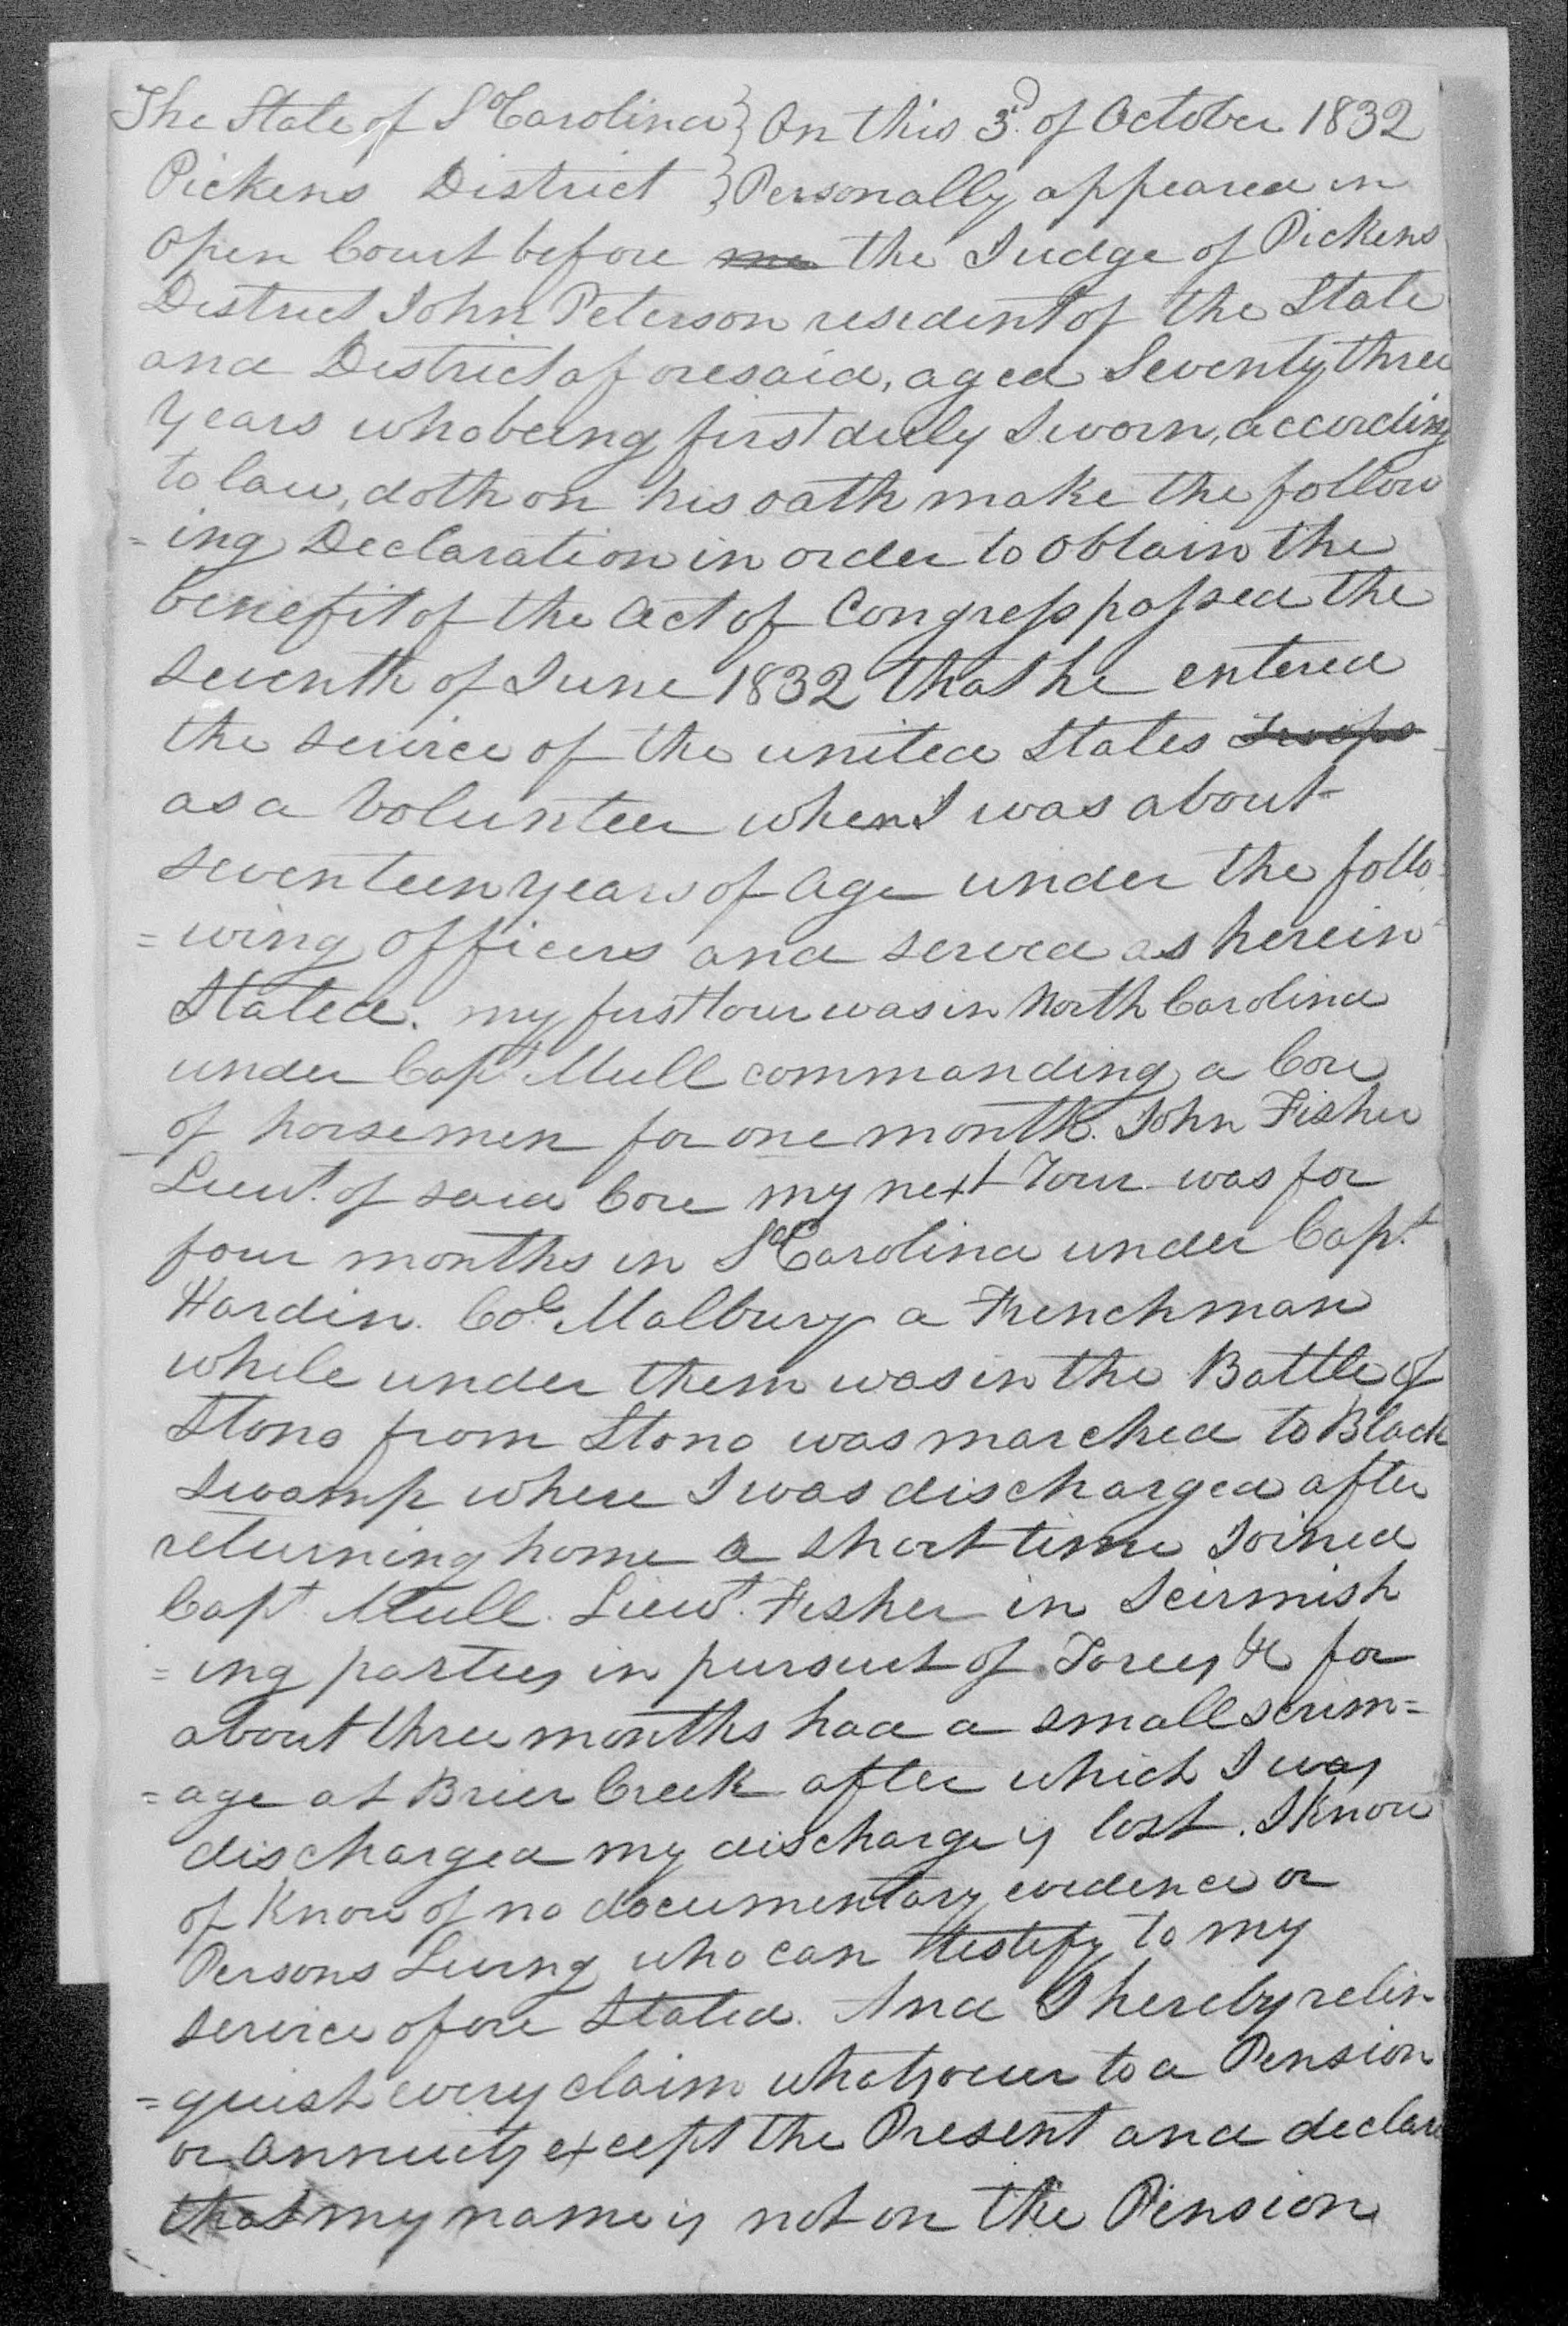The State of So. Carolina
Pickens District
On this 3d day of October 1832 Personally appeared in open court before the Judge of Pickens District John Petersen resident of the State and district aforesaid aged seventy three years who being first dully sworn according to law, doth on his oath make the following declaration in order to obtain the benefit of the Act of Congress proposed the seventh of June 1832 that he entered the service of the United State as a volunteer when I was about seventeen years of age under the following officers and served as herein stated. my first tour was in North Carolina under Capt Mull commanding a Co of horsemen for one month, John Fisher Lieut said my next tour was for four months in So, Carolina under Capt Hardin Col Malbury a Frenchmen while under them was marched to Black Swamp where I was discharged after returning home a short timer joined Cap Mull Lieut Fisher in skirmishing parties in pursuit of Tories for about three months had a small skirmish at Brier Creek after which I was discharged my discharge is lost. I know of know of no documentation evidence of persons living who can testify to my service afore stated and I hereby relinquish every claim whatsoever to a pension or annuity except the present and declare to my name is not on the pension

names: John Peterson; [BLANK] Mull; John Fisher; [BLANK] Malburg; [BLANK] Hardin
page: 6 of 13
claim: survivor's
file: S. 9,456, for John Peterson, North Carolina